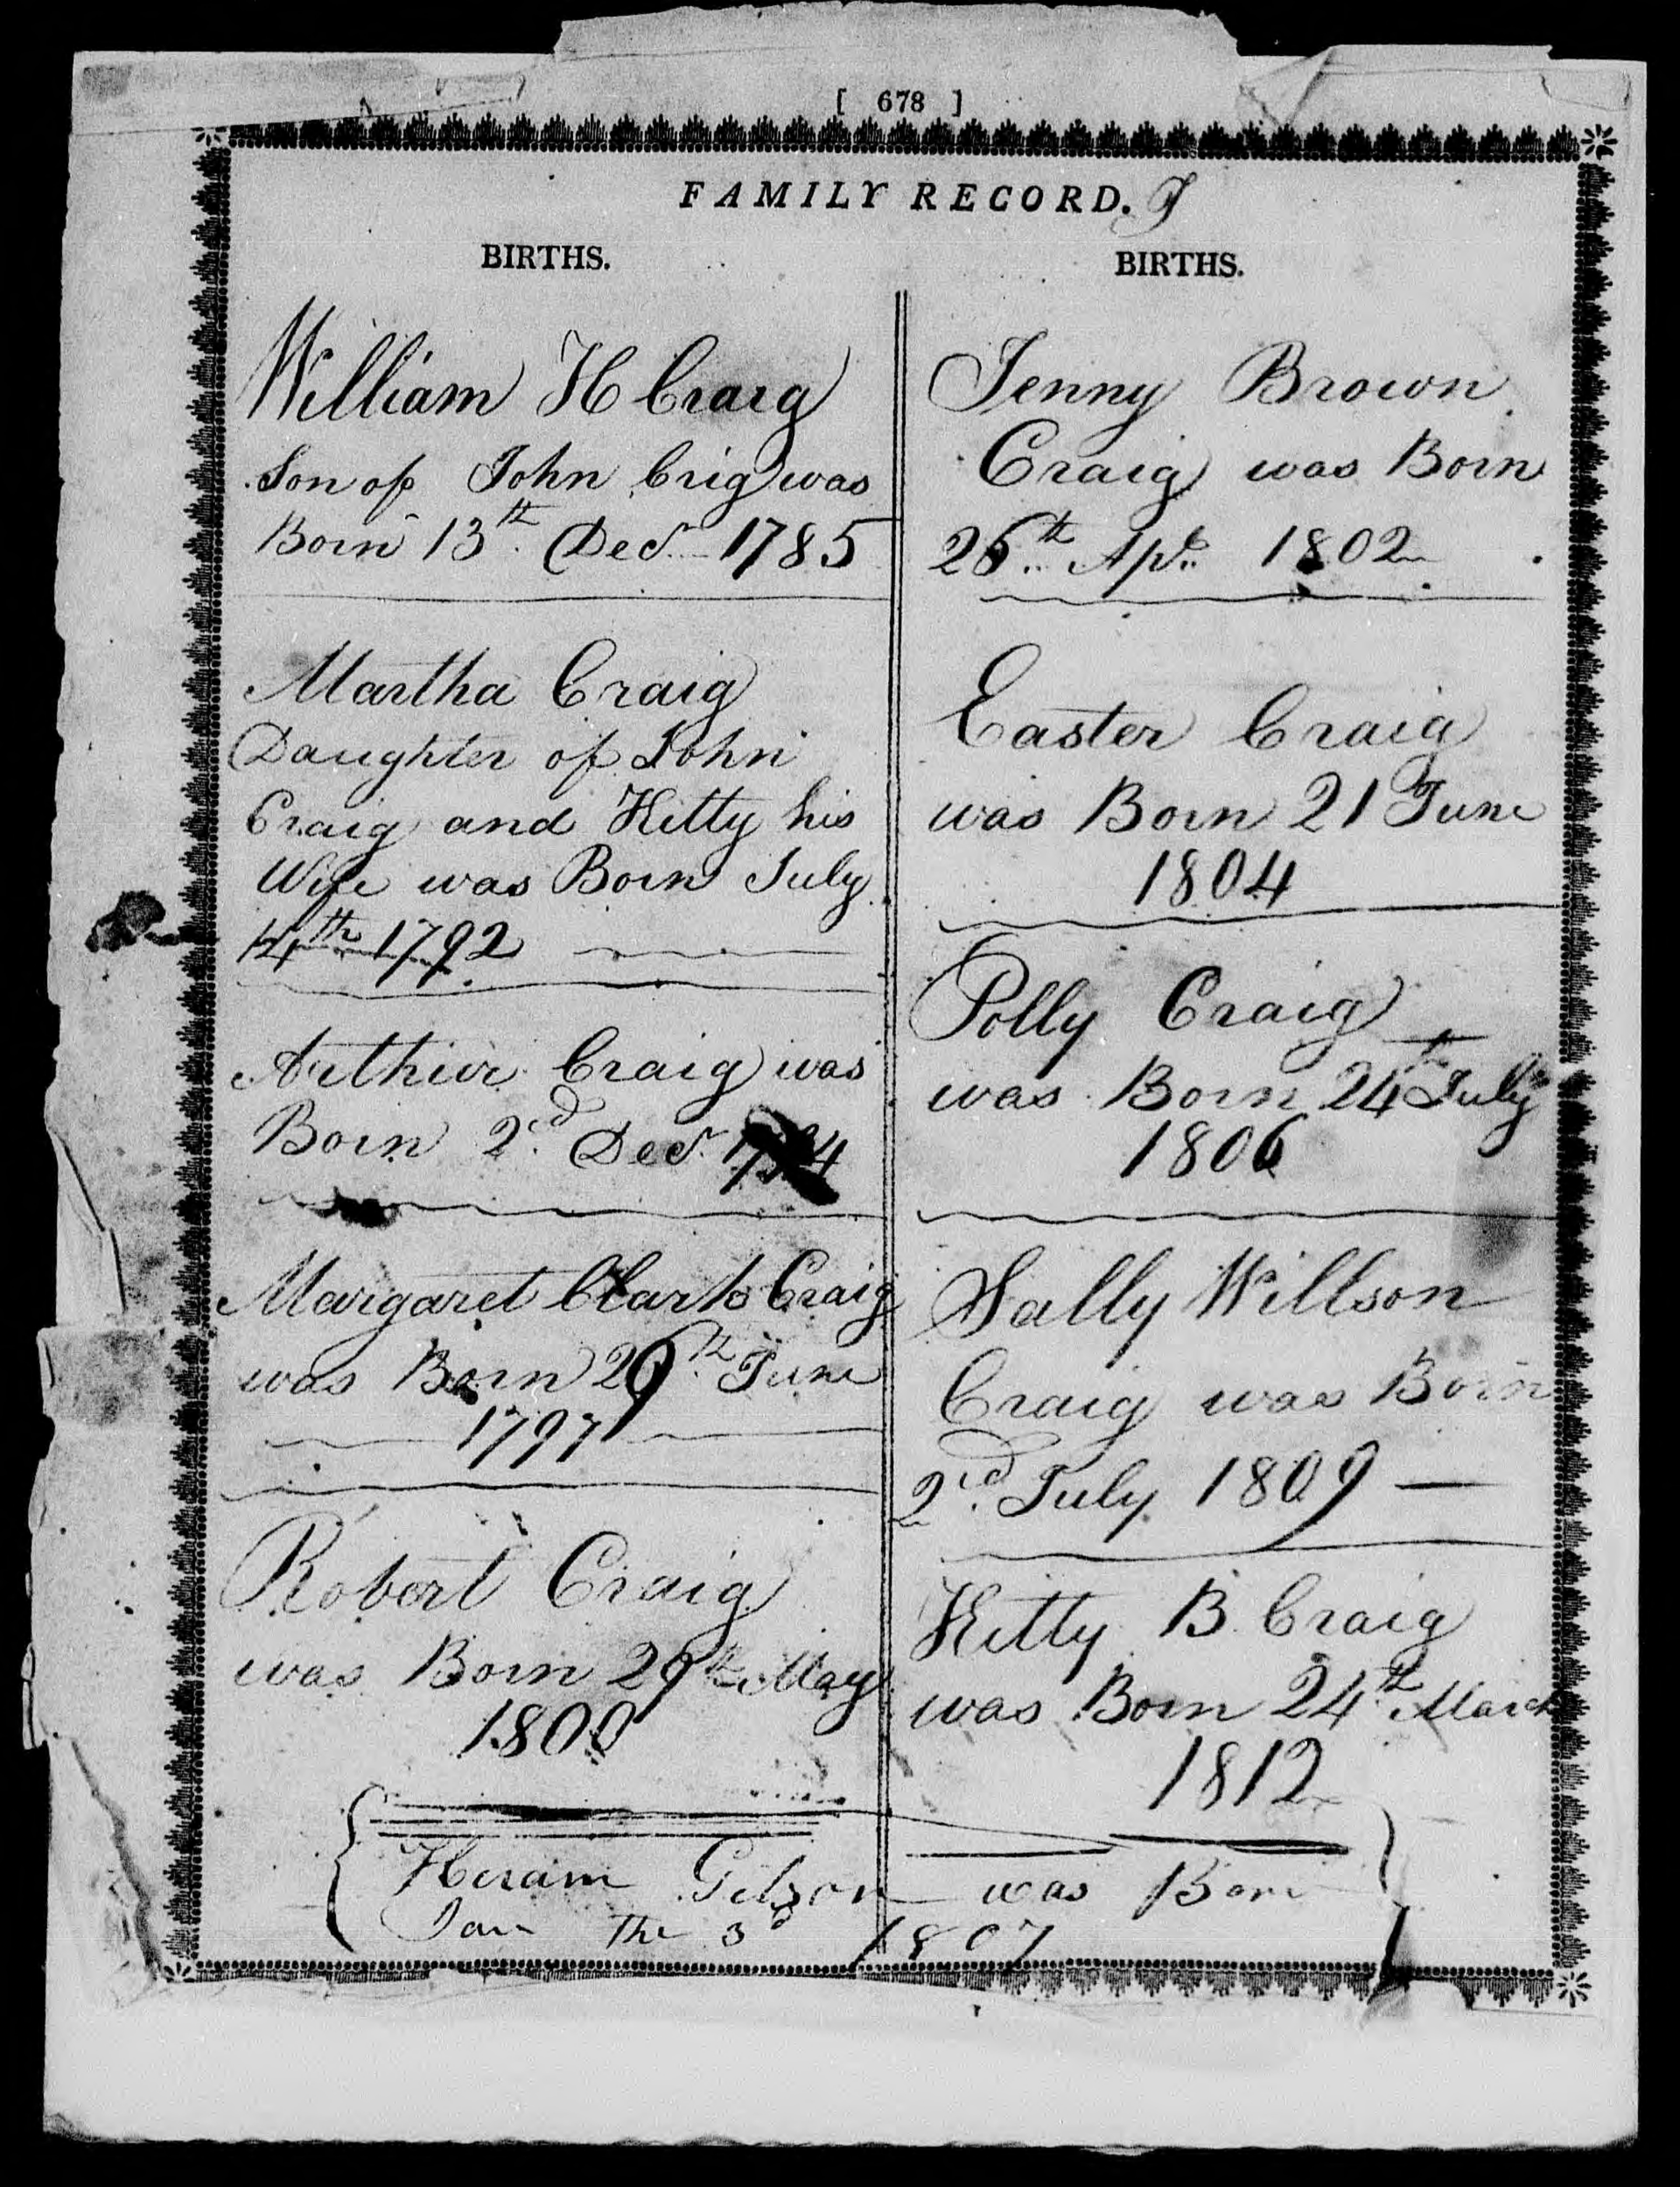[ 678 ]
FAMILY RECORDS
 BIRTHS.

William H. Craig
Son of John Crig was Born 13th Dec 1785

Martha Craig
Daughter of John Craig and Hitty his Wife was Born July 14th 1792

Arthur Clark Craig was Born 29th June 1797

Robert Craig was Born 29 May 1800

Hiram Gibson was Born Jan the 3rd 1807

Jenny Brown Craig was Born 26th April 1802

Easter Craig was Born 21 June 1804

Polly Craig was Born 24 July 1806

Sally Willson Craig was Born 2nd July 1809

Hitty B. Craig was Born 24th March 1812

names: John Crig, Arthur Craig, Martha Craig, William H Craig, Hitty B Craig, Jenny Brown Craig, Easter Craig, Hitty, Robert Craig, Sally Willson Craig, Polly Craig, John Craig, Margaret Clark Craig, Hiram Gibson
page: 12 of 55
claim: widow's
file: W. 22864, John Craig, S.C. Born In Iceland